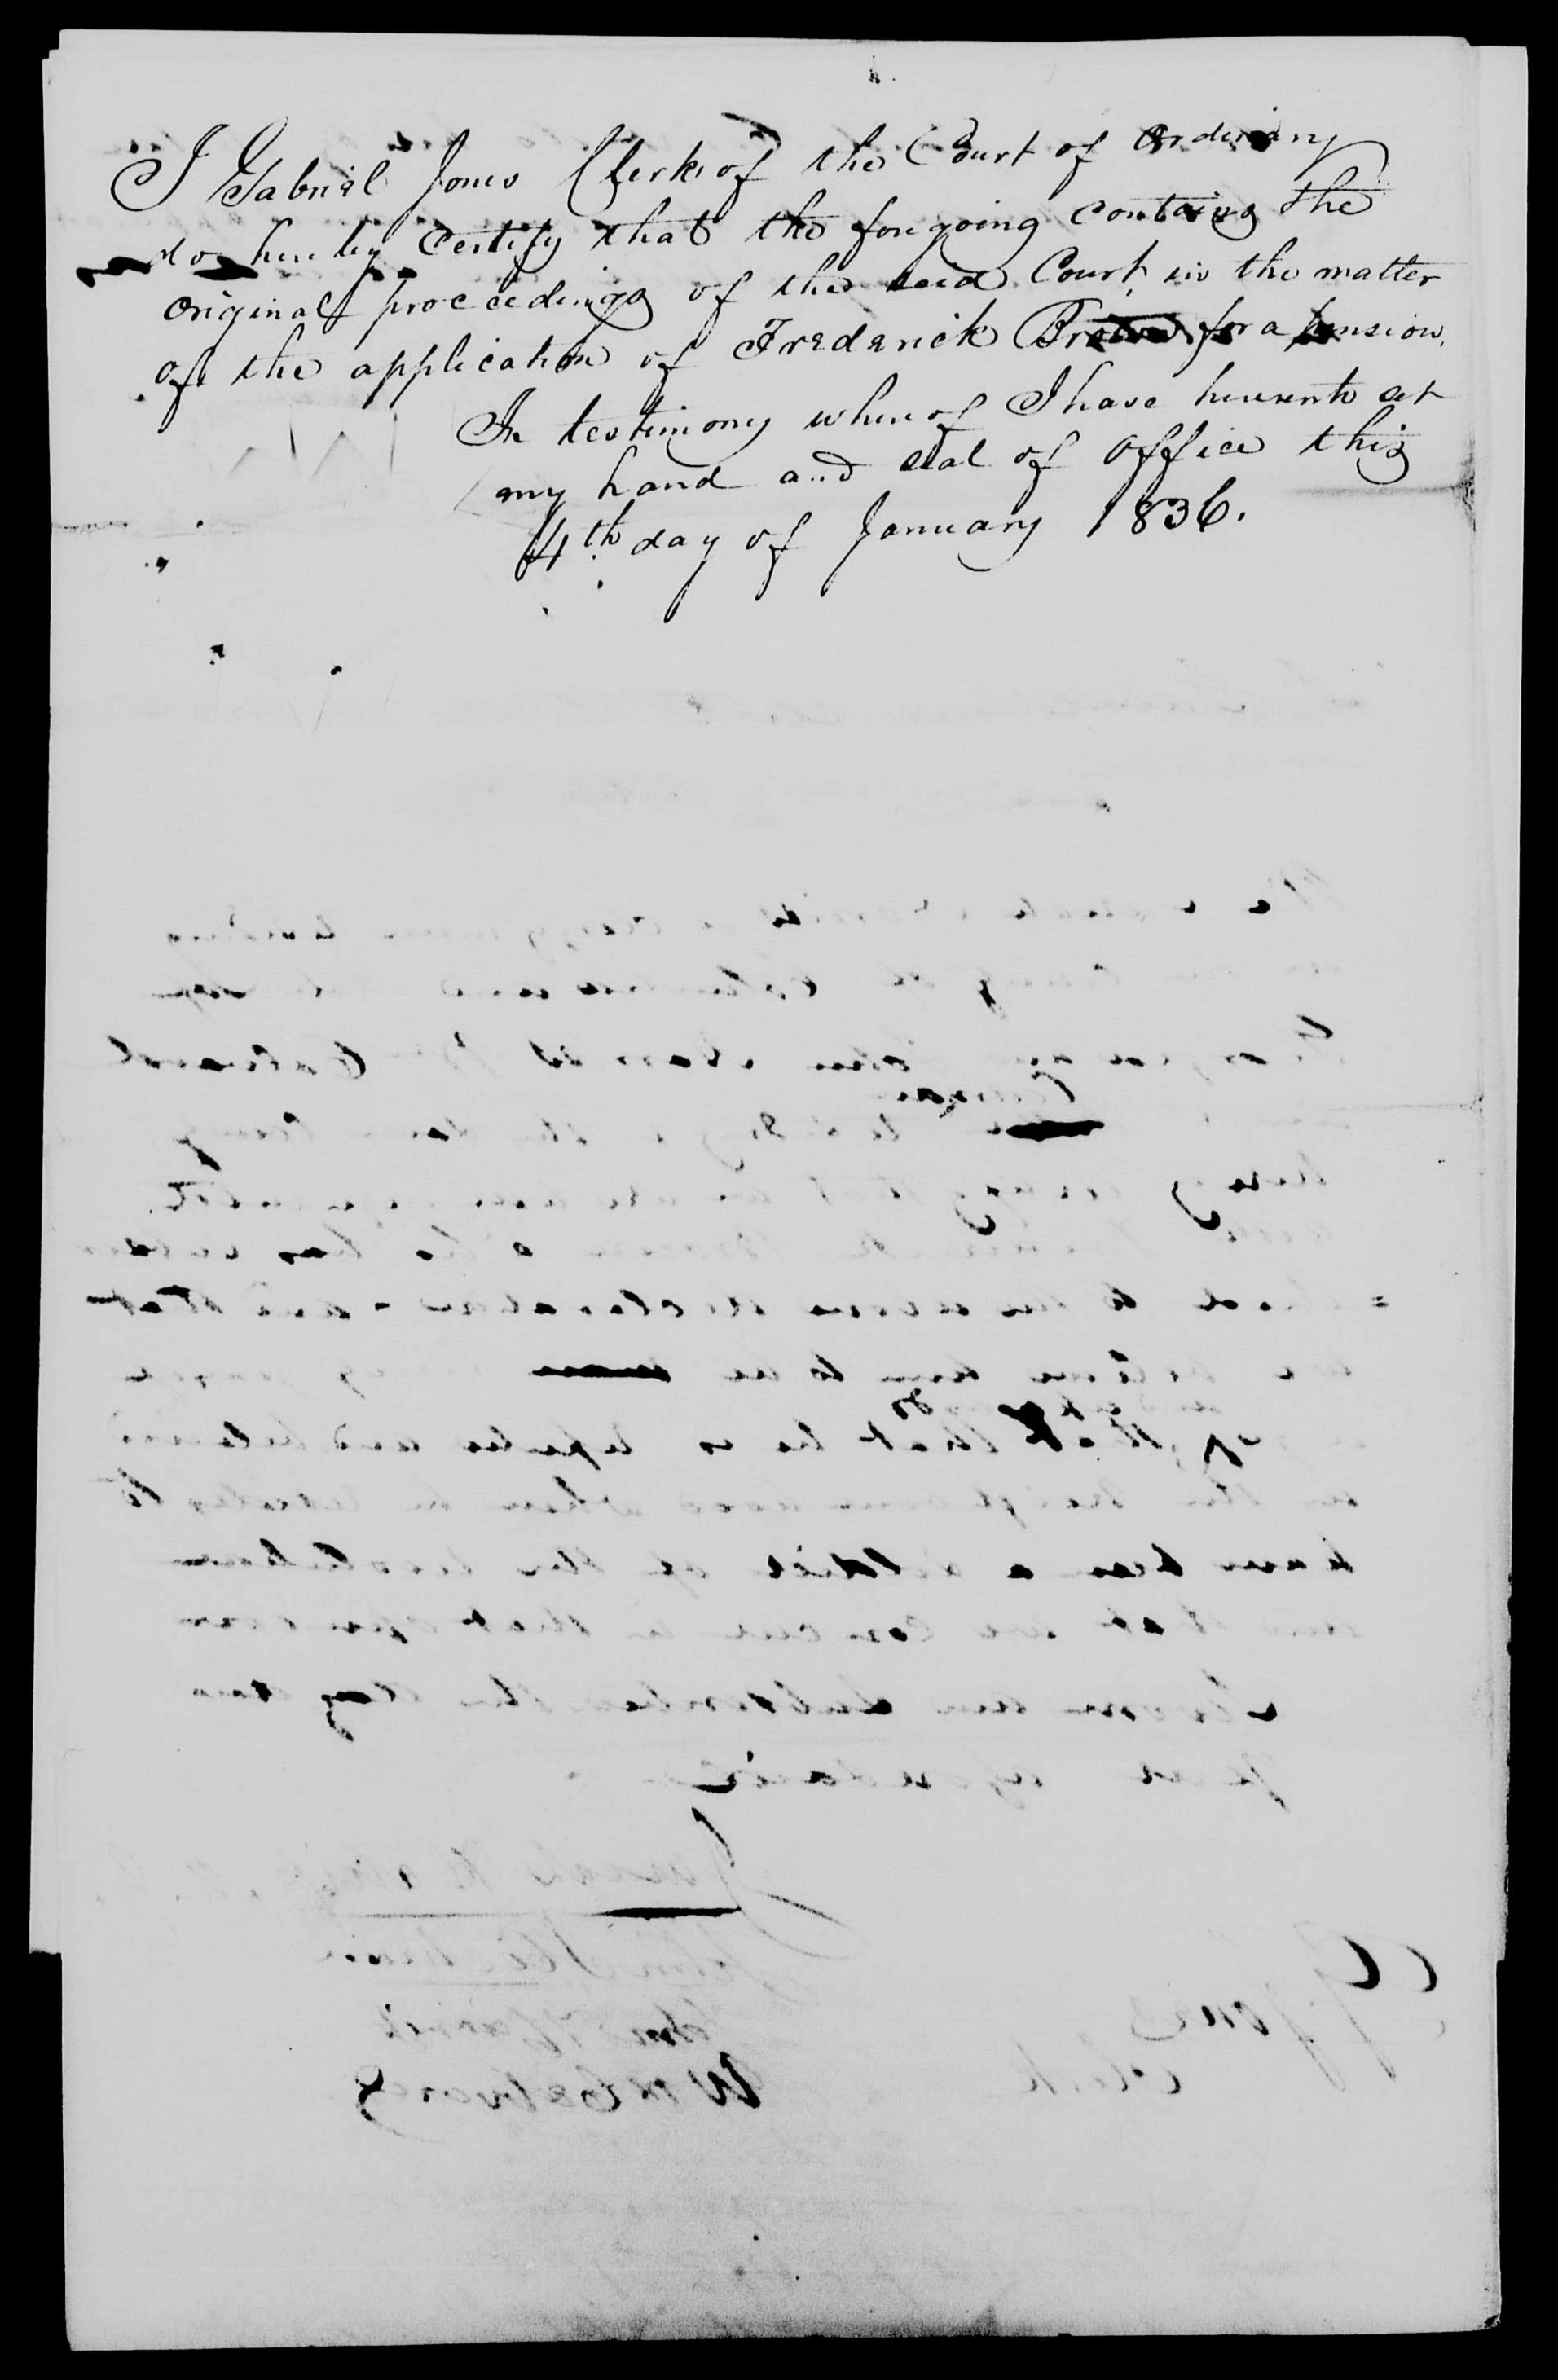I Gabriel Jones Clerk of the Court of Ordinary do hereby certify that the foregoing contains the original of proceedings of the said Court in the matter of the application of Frederick Brown for a pension,
     In testimony whereof I have herewith set my 
     hand and seal of office this 4th day of January
     1836.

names: Frederick Brown, Gabriel Jones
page: 7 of 11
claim: survivor's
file: S. 31,576, Frederick Brown, Ga.